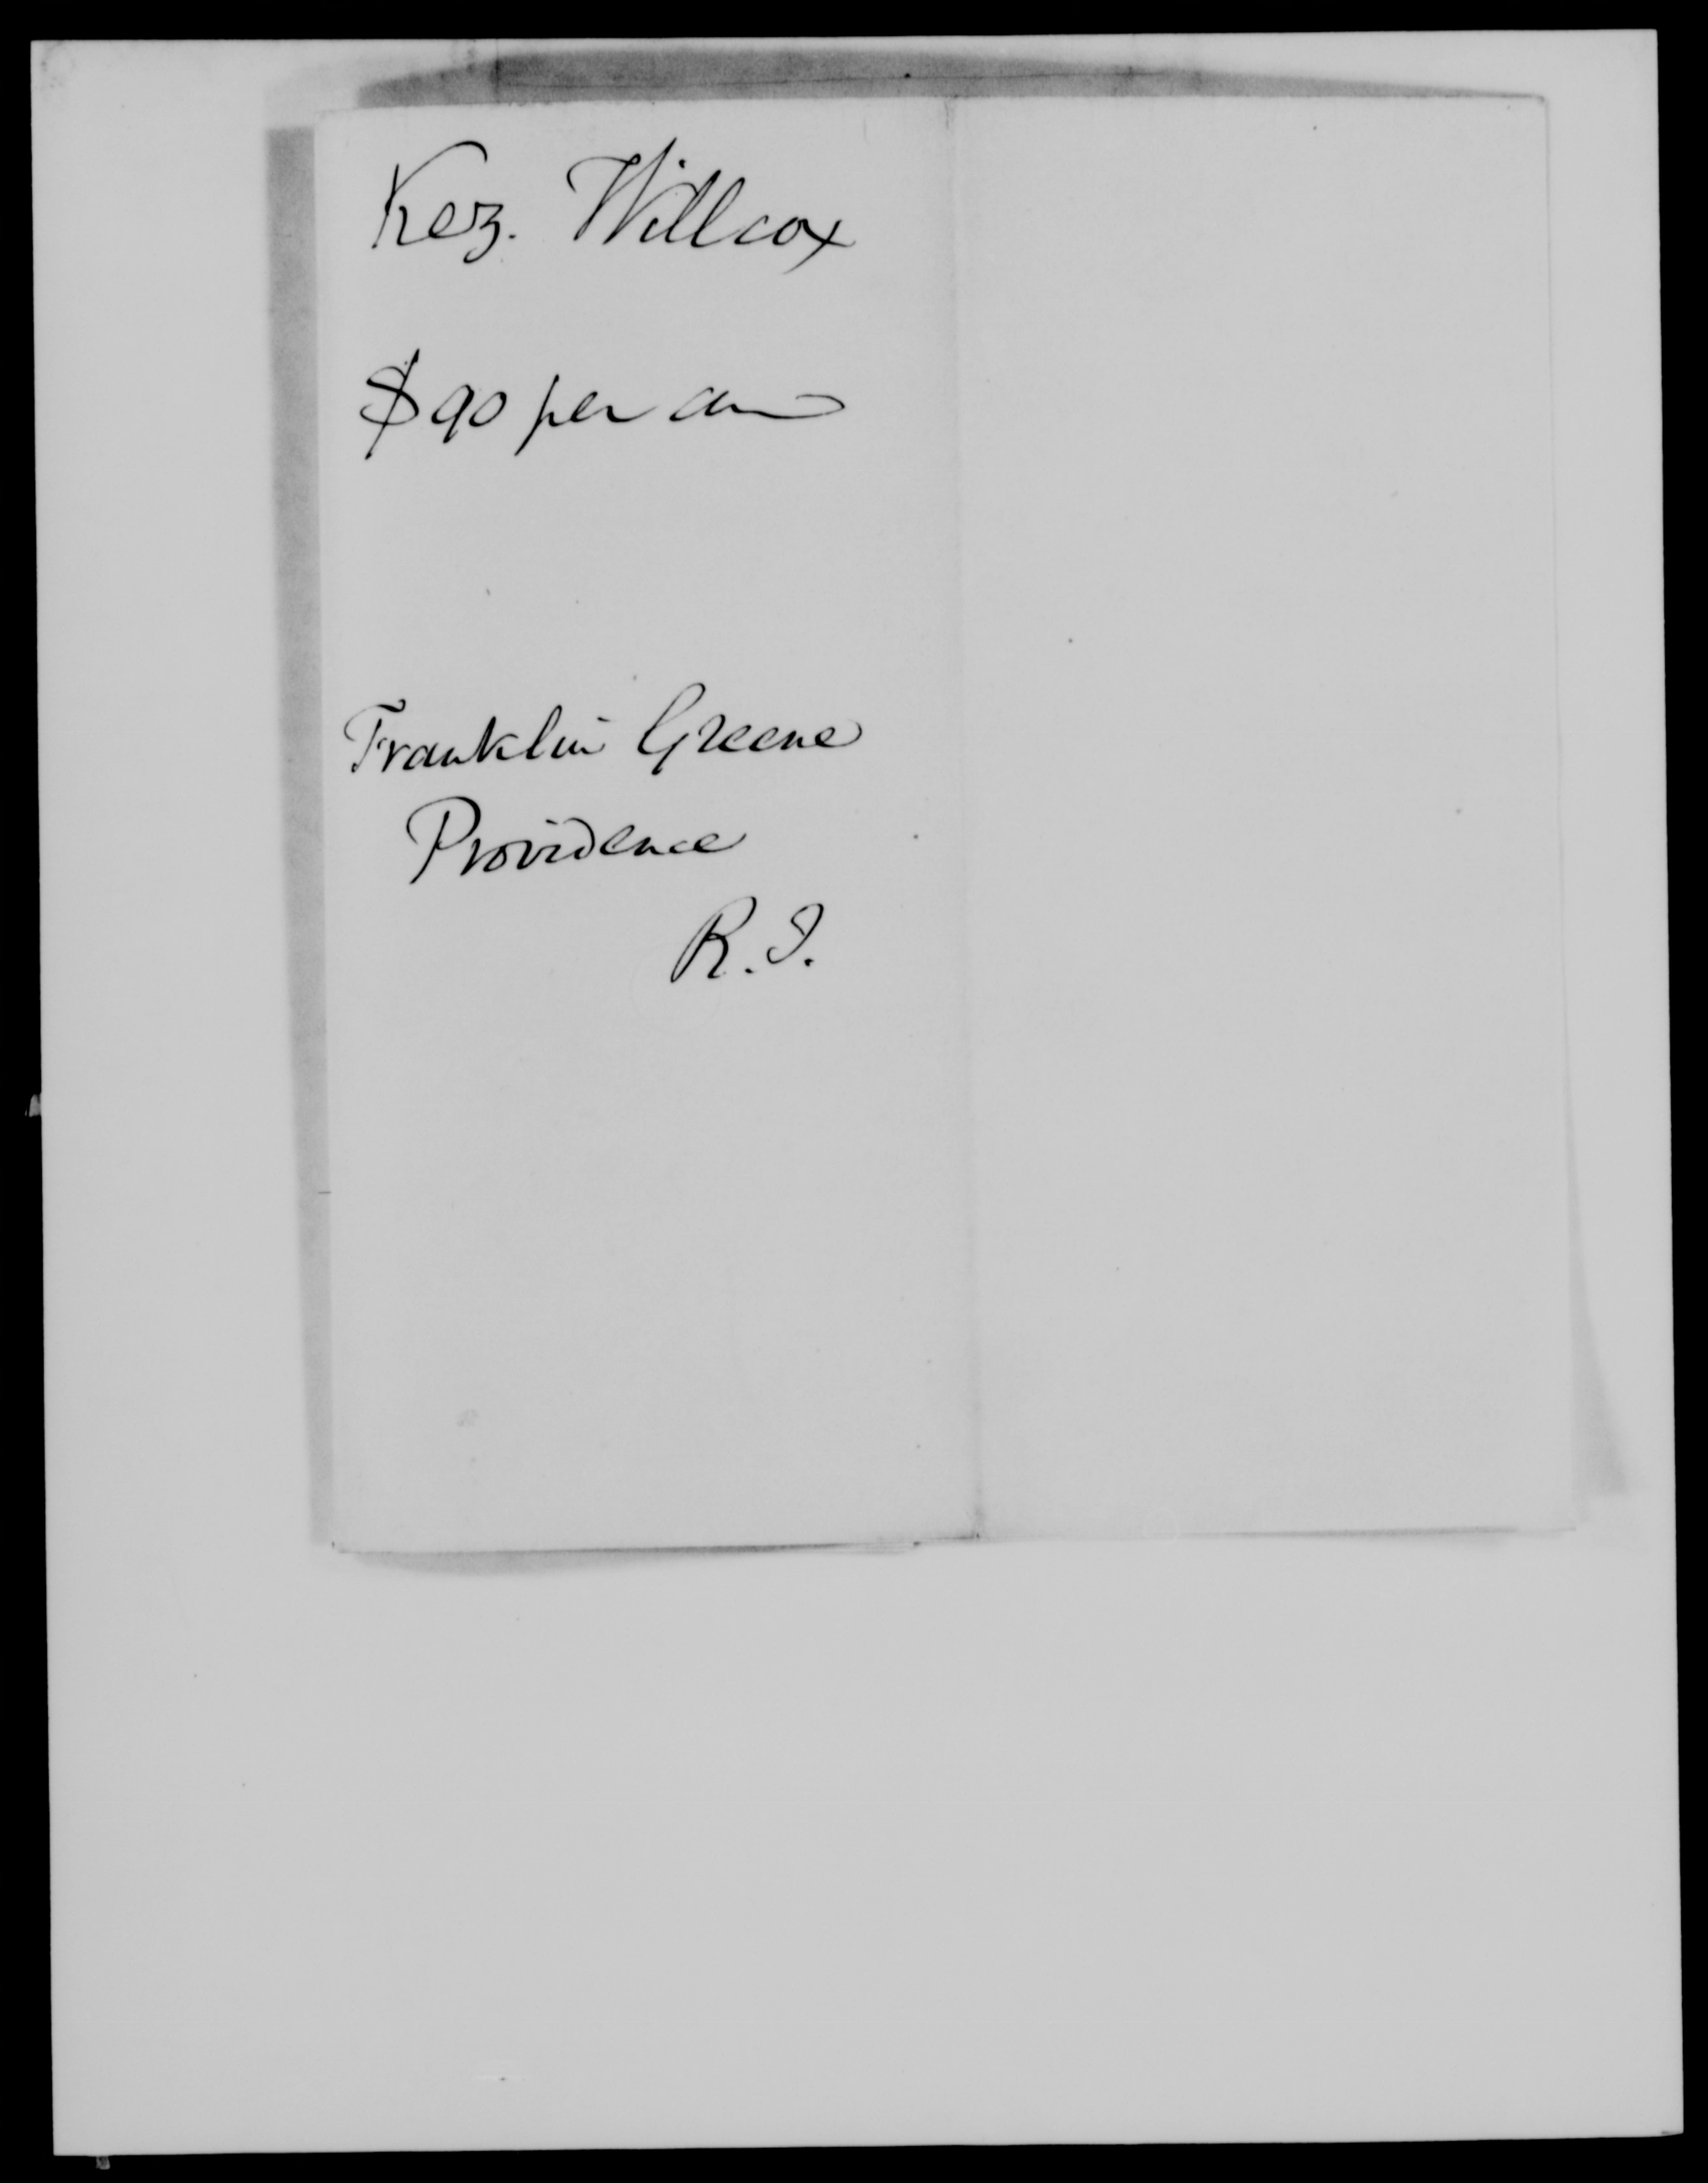Kez. Willcox
$90 per Anum
Franklin Greene
Providence
R.I.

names: Kez Willcox, Franklin Greene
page: 29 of 39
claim: widow's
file: W. 26046, Thomas Willcox, R.I.